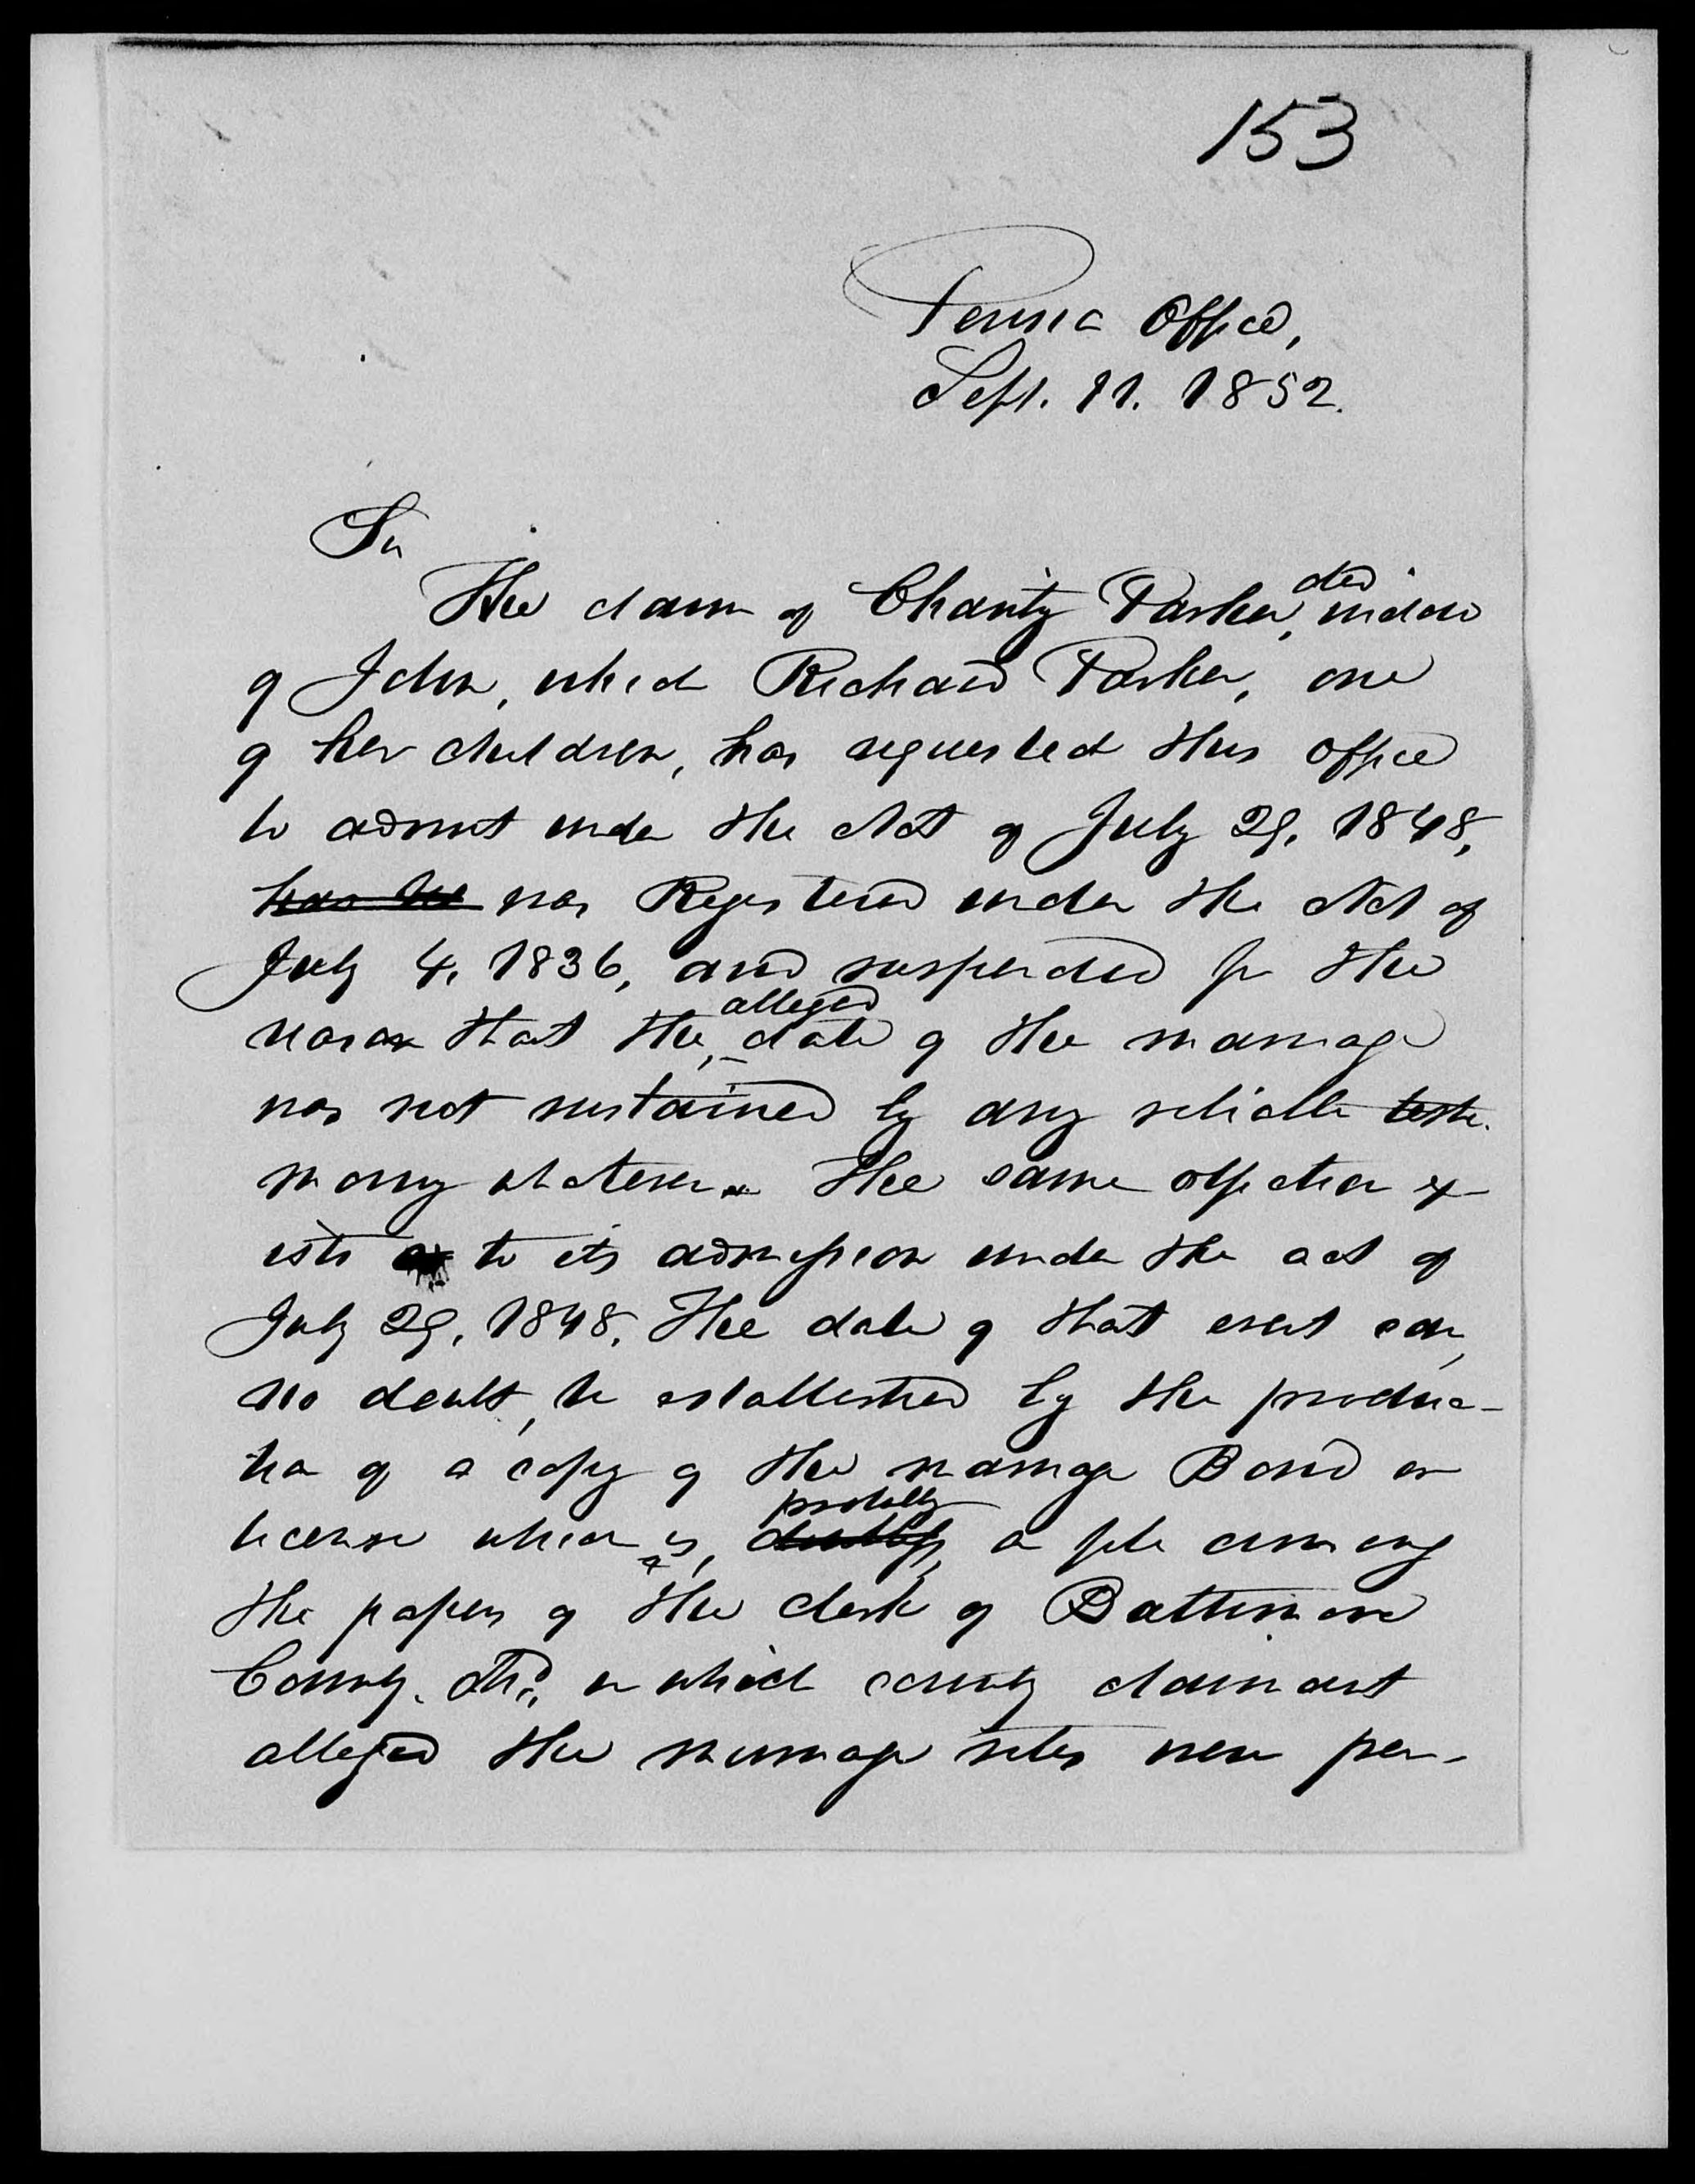153

[illegible] Office
Sept. 11, 1852

Sir
The claim of Charity Parker dec., widow of John, which Richard Parker, one of her children, has requested this office to admit under the Act of July 28, 1848, no Requested under the Act of July 4, 1836, and suspended for the reason that the alleged date of the marriage was not sustained by any reliable marriage [illegible]. The same objection exists to its admission under the act of July 28, 1848. The date of that event can be dealt [illegible] by the procuring of a copy of the marriage Bond or license which is probably a file among the papers of the clerk of Baltimore County, and on which claimant alleges the marriage [illeible]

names: John Parker; Charity Parker; Richard Parker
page: 36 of 40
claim: widow's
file: W. 3,588, for John Parker, Pennsylvania